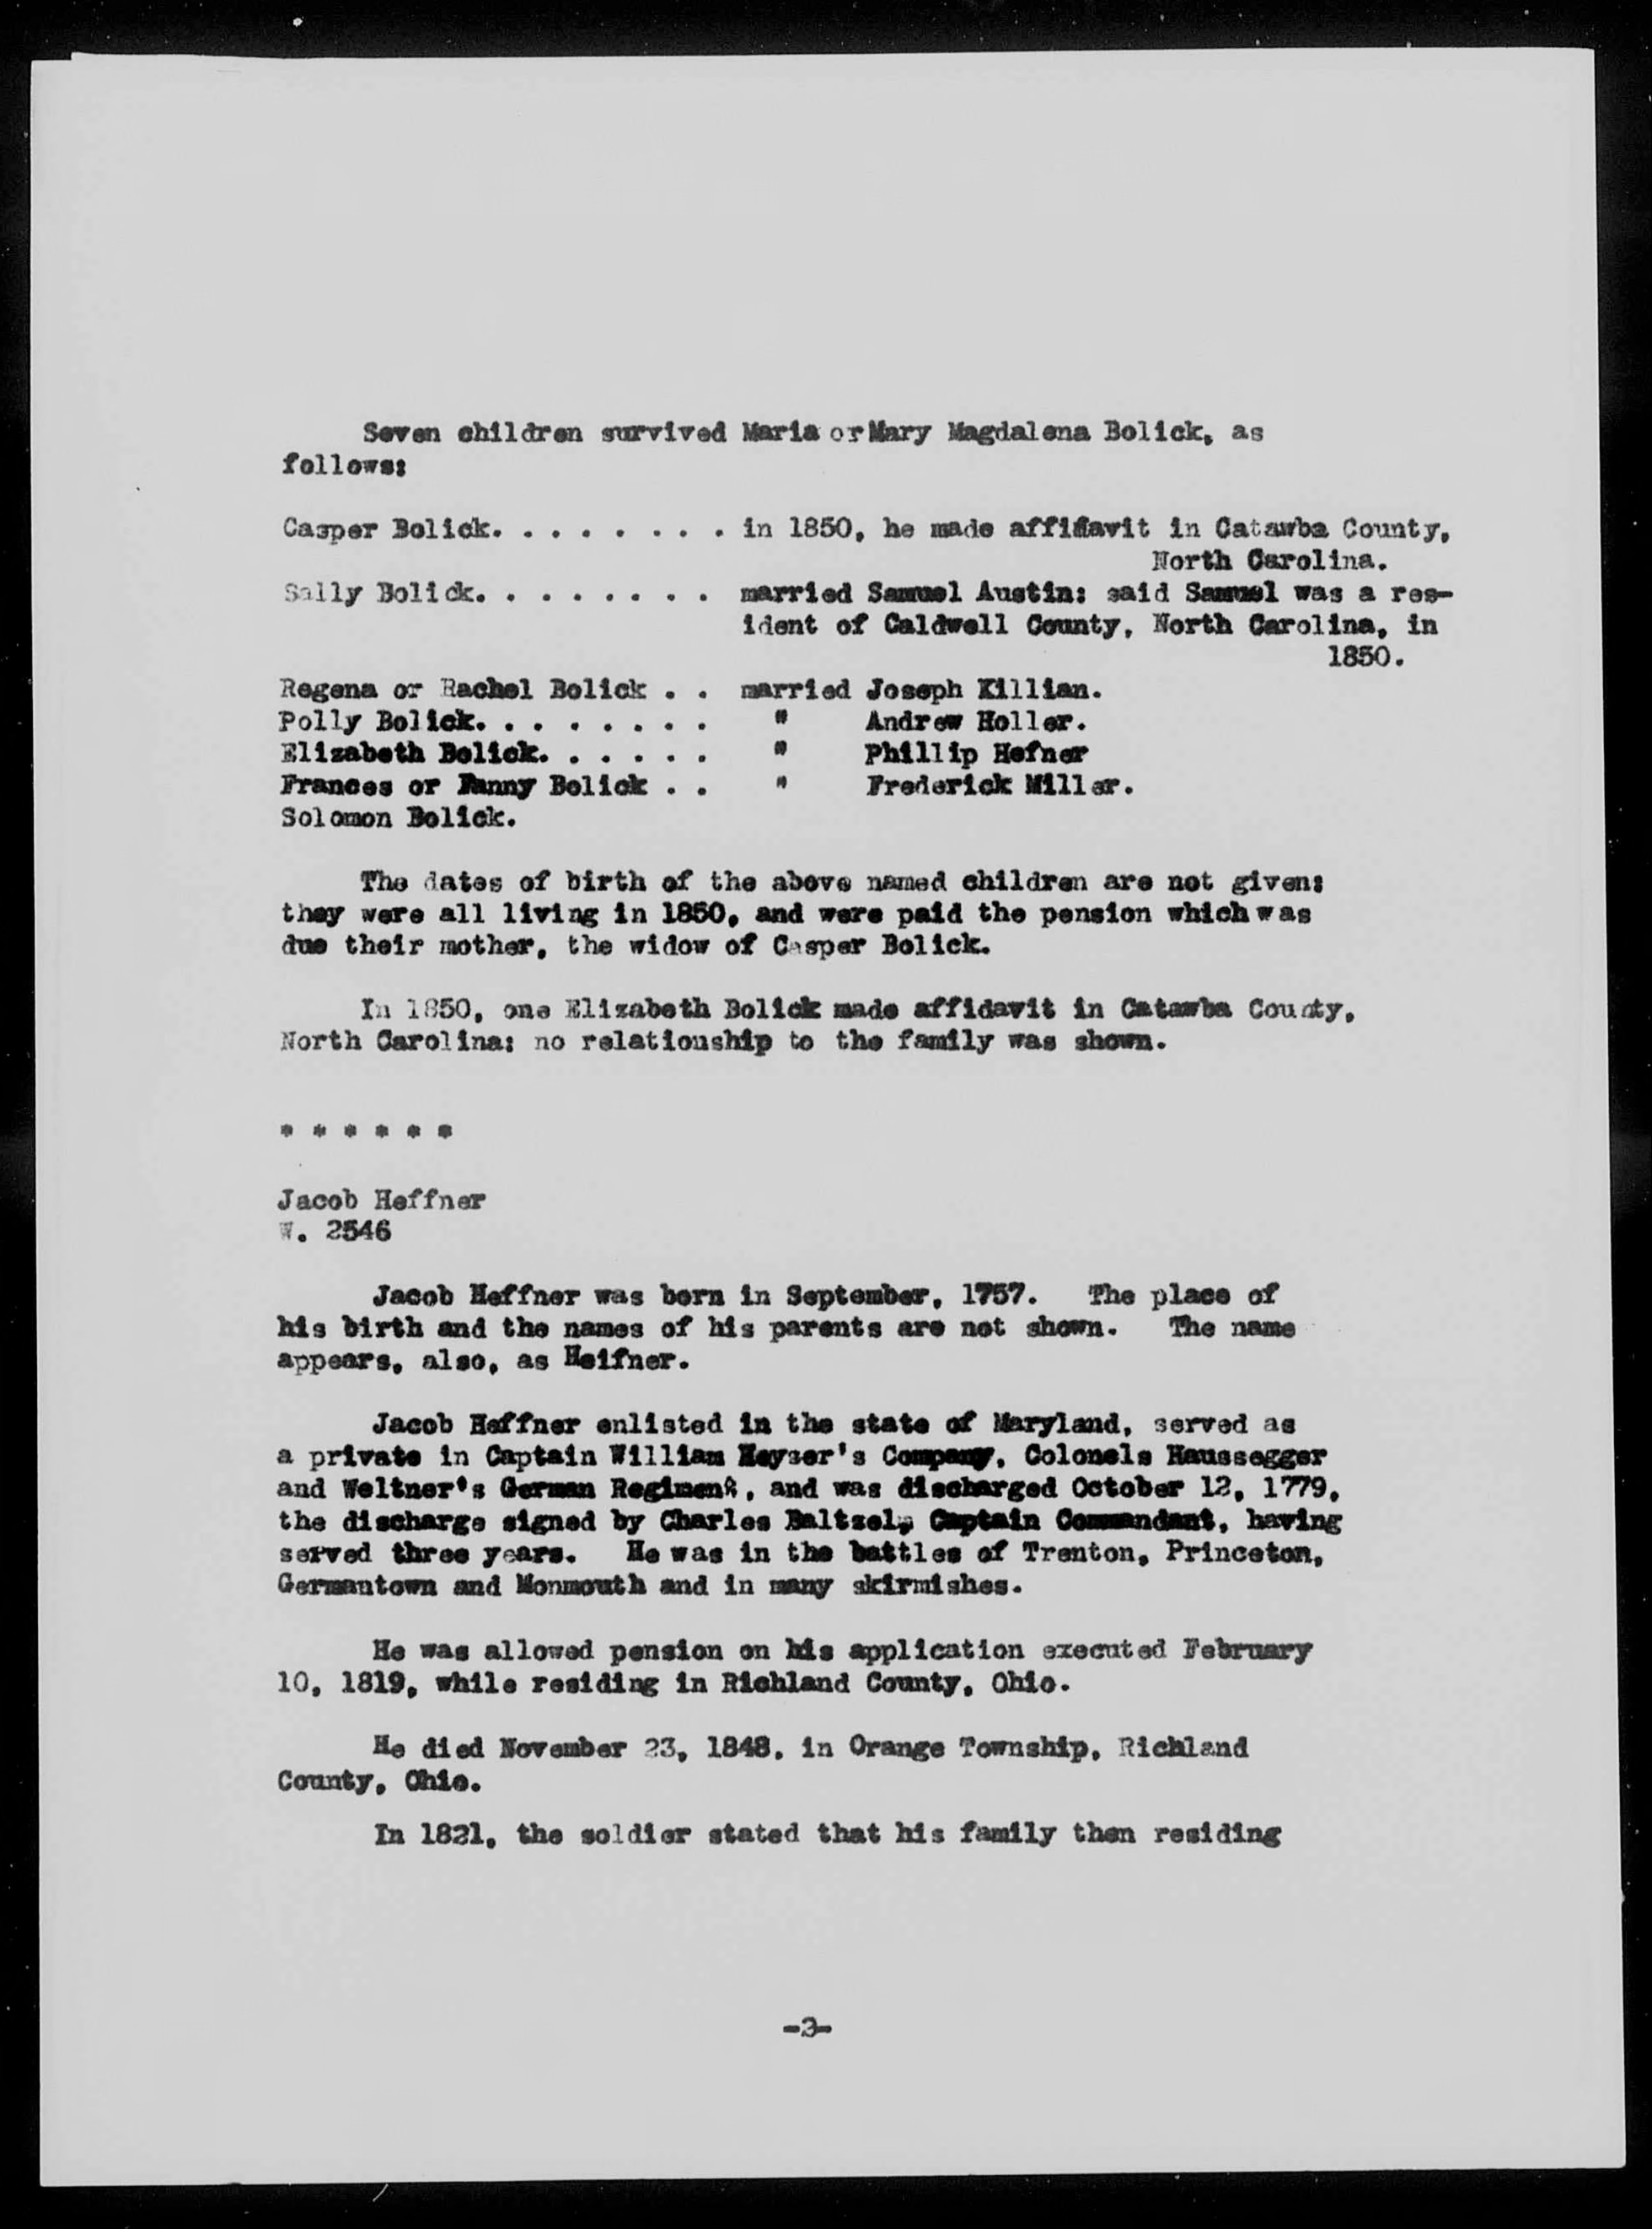Seven children survived Maria or Mary Magdalena Bolick, as follows:

Casper Bolick, in 1850, he made affidavit in Catawba County, North Carolina.

Sally Bolick, married Samuel Austin said Samuel was a reident of Caldwell County, North Carolina, in 1850.

Regena or Rachel Bolick, married Joseph Killian.

Polly Bolick, married Andrew Holler.

Elizabeth Bolick, married Phillip Hefner.

Frances or Fanny Bolick married Frederick Miller.

Solomon Bolick.

The dates of birth of the above named children are not given: they were all living in 1850, and were paid the pension which was due their mother, the widow of Casper Bolick.
In 1850, one Elizabeth Bolick made affidavit in Catawba County, North Carolina: no relationship to the family was shown.
● ● ● ● ● ●
Jacob Hefner
W. 2546

Jacob Heffner was born in September, 1757. The place of his birth and the names of his parents are not shown. The name appears, also, as Heifner. Jacob Heffner enlisted in the state of Maryland, served as a private in Captain William Heyser's Company, Colonels Haussegger and Weltner's German Regiment, and was discharged October 12, 1779, the discharge signed by Charles Baltzel, Captain Commandant, having
served three years. He was in the battles of Trenton, Princeton, Germantown and Monmouth and in many skirmishes.
He was allowed pension on his application executed February 10, 1819, while residing in Richland County, Ohio. He died November 23, 1848, in Orange Township, Richland County, Ohio.
In 1821, the soldier stated that his family then residing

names: Regena Bolick, Rachel Bolick, Elizabeth Bolick, Magdalena Bolick, Heifner, Frederick Miller, Frances Bolick, Maria, Mary, Jacob Heffner, Elizabeth Bolick, Jacob Heffner, Casper Bolick, Joseph Killian, Phillip Hefner, Solomon Bolick, Samuel, Polly Bolick, Sally Bolick, Jacob Heffner, Casper Bolick, Andrew Holler, Fanny Bolick, Samuel Austin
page: 42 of 43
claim: widow's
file: W. 18,566, Casper Bolick, N.C.